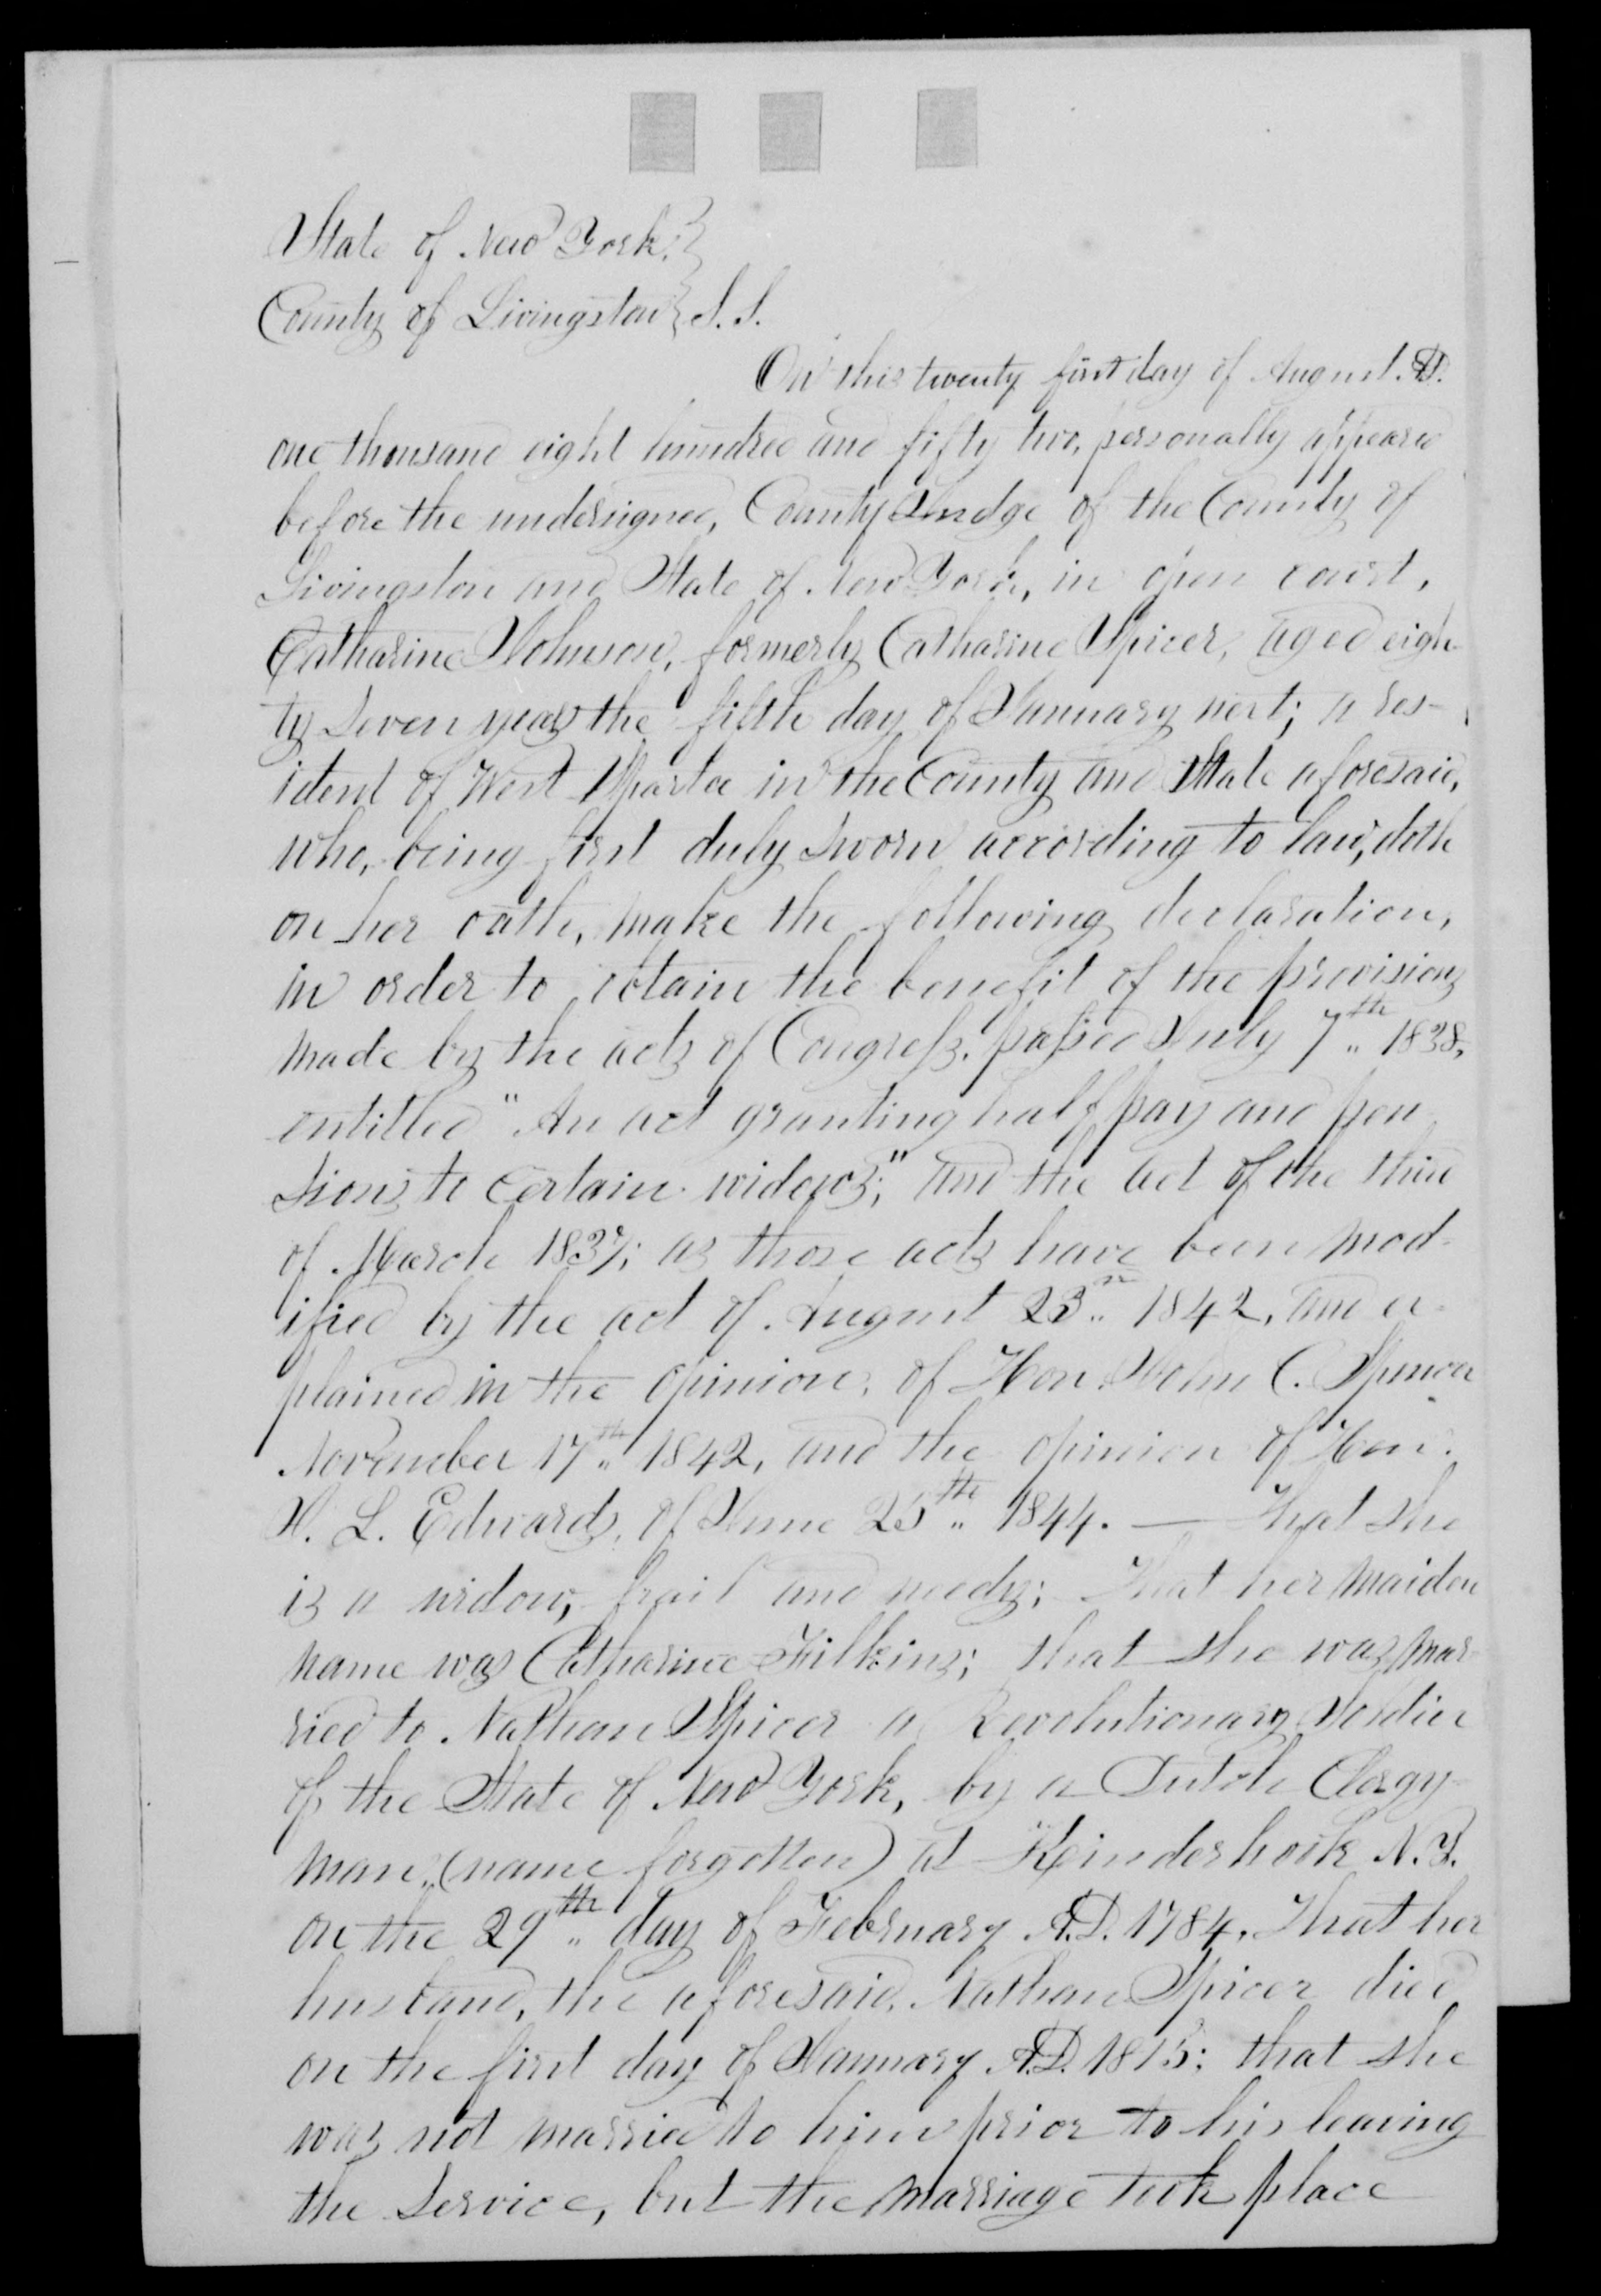State of New York, County of Livingston S.S.
On this twenty first day of August AD one thousand eight hundred and fifty two, personally appeared before the undersigned, County Judge of the County of Livingston and State of New York, in open court, Catharine Johnson, formerly Catharine Spicer, aged eighty seven years the fifth day of January next; a resident of West Sparta in the County and state aforesaid, who, being first duly sworn according to law, doth on her oath, make the following declaration, in order to obtain the benefit of the provision made by the acts of Congress, passed July 7th 1838, entitled "An act granting half pay and pensions to certain widows;" and the Act of the third of March 1837; as those acts have been modified by the act of August 23rd 1842, and explained in the opinion of Hon. John C. Spencer November 17th 1842, and the opinion of Hon. J.L. Edwards of June 26th 1844. That she is a widow, frail and needy; that her maiden name was Catharine Filkins; that she was married to Nathan Spicer a Revolutionary soldier of the State of New York, by a Dutch Clergyman (name forgotten) at [illegible] N.Y. on the 29th day of February A.D. 1784. That her husband, the aforesaid, Nathan Spicer died on the first day of January A.D. 1815; that she was not married to him prior to his leaving the Service, but the marriage took place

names: Catharine Johnson; John C Spencer; J L Edwards; Nathan Spicer; Catharine Filkins; Nathan Spicer; Catharine Spicer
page: 3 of 33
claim: rejected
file: R. 5603, for Nathan Spicer, New York